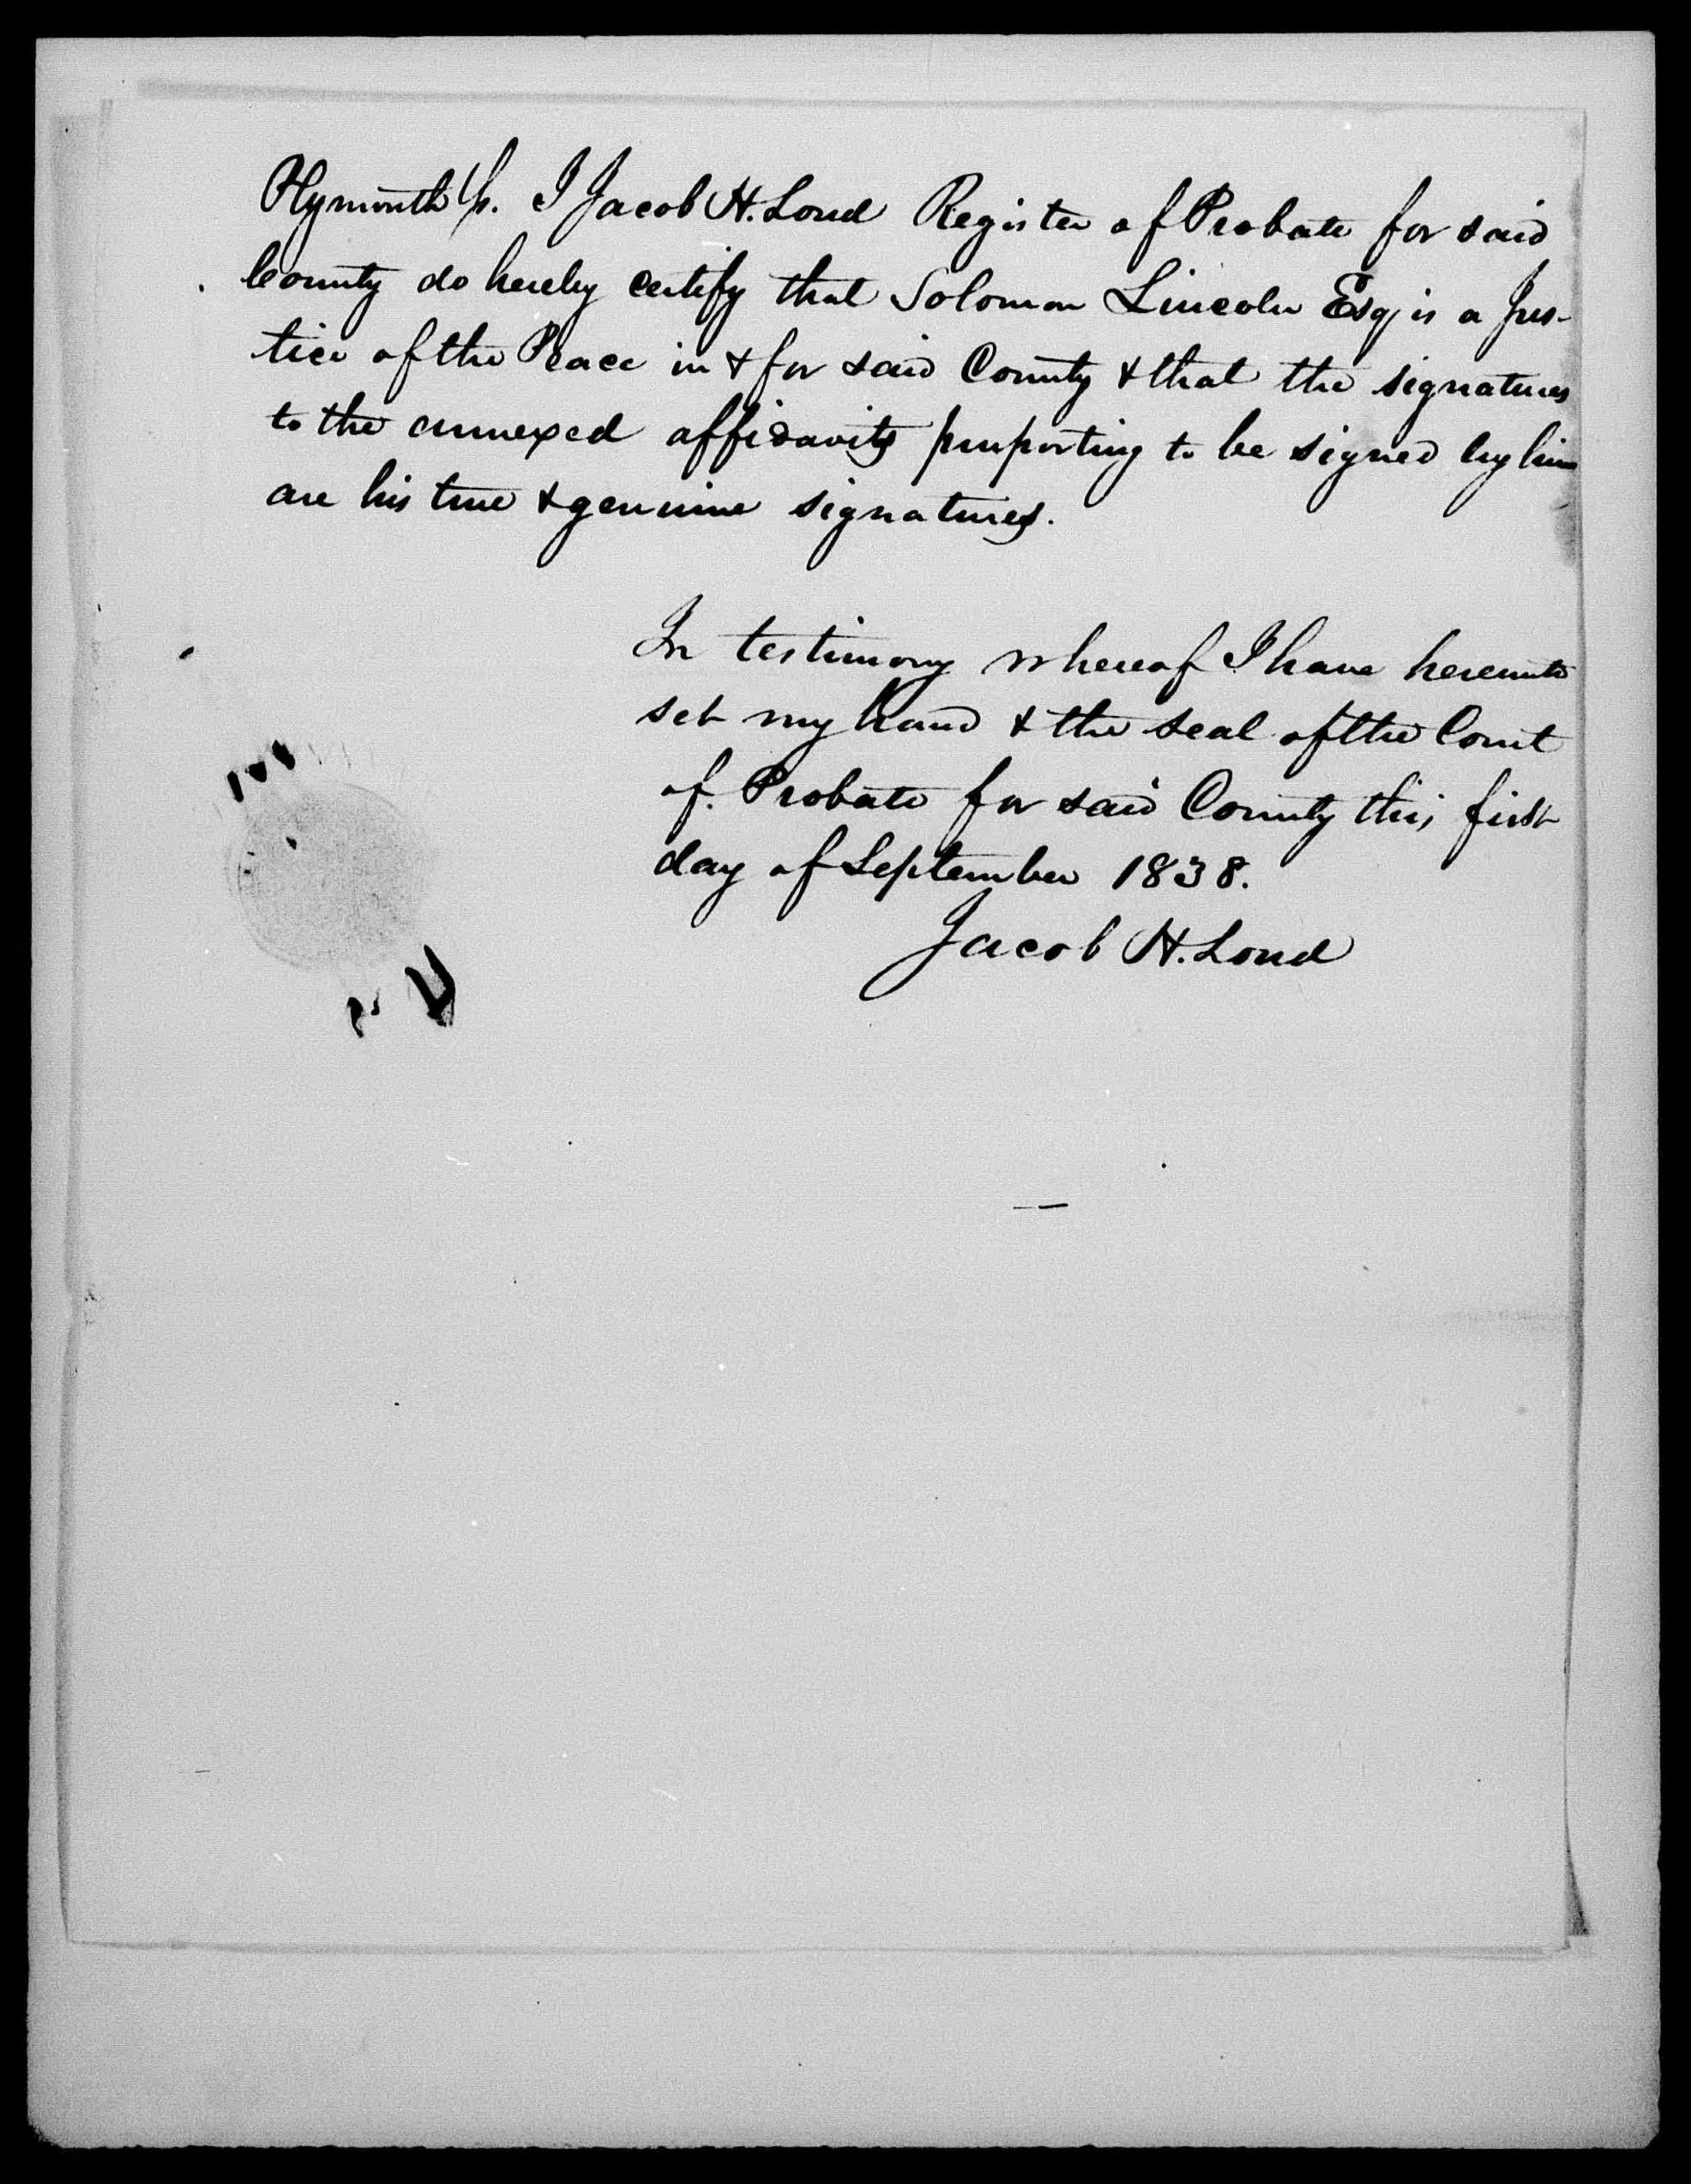Plymouth Co.  I Jacob H. Loud Register of Probate for said County do hereby certify that Solomon Lincoln Esq. is a Justice of the Peace in and for said County and that the signature to the annexed affidavit purporting to be signed by him are his true and genuine signatures.

In testimony whereof I have hereunto set my and the seal of the Court of Probate for said County this first day of September 1838.

Jacob H. Loud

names: Jacob H Loud, Solomon Lincoln, Jacob H Loud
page: 21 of 26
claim: widow's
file: W. 14657, Melzar Dunbar, Mass.